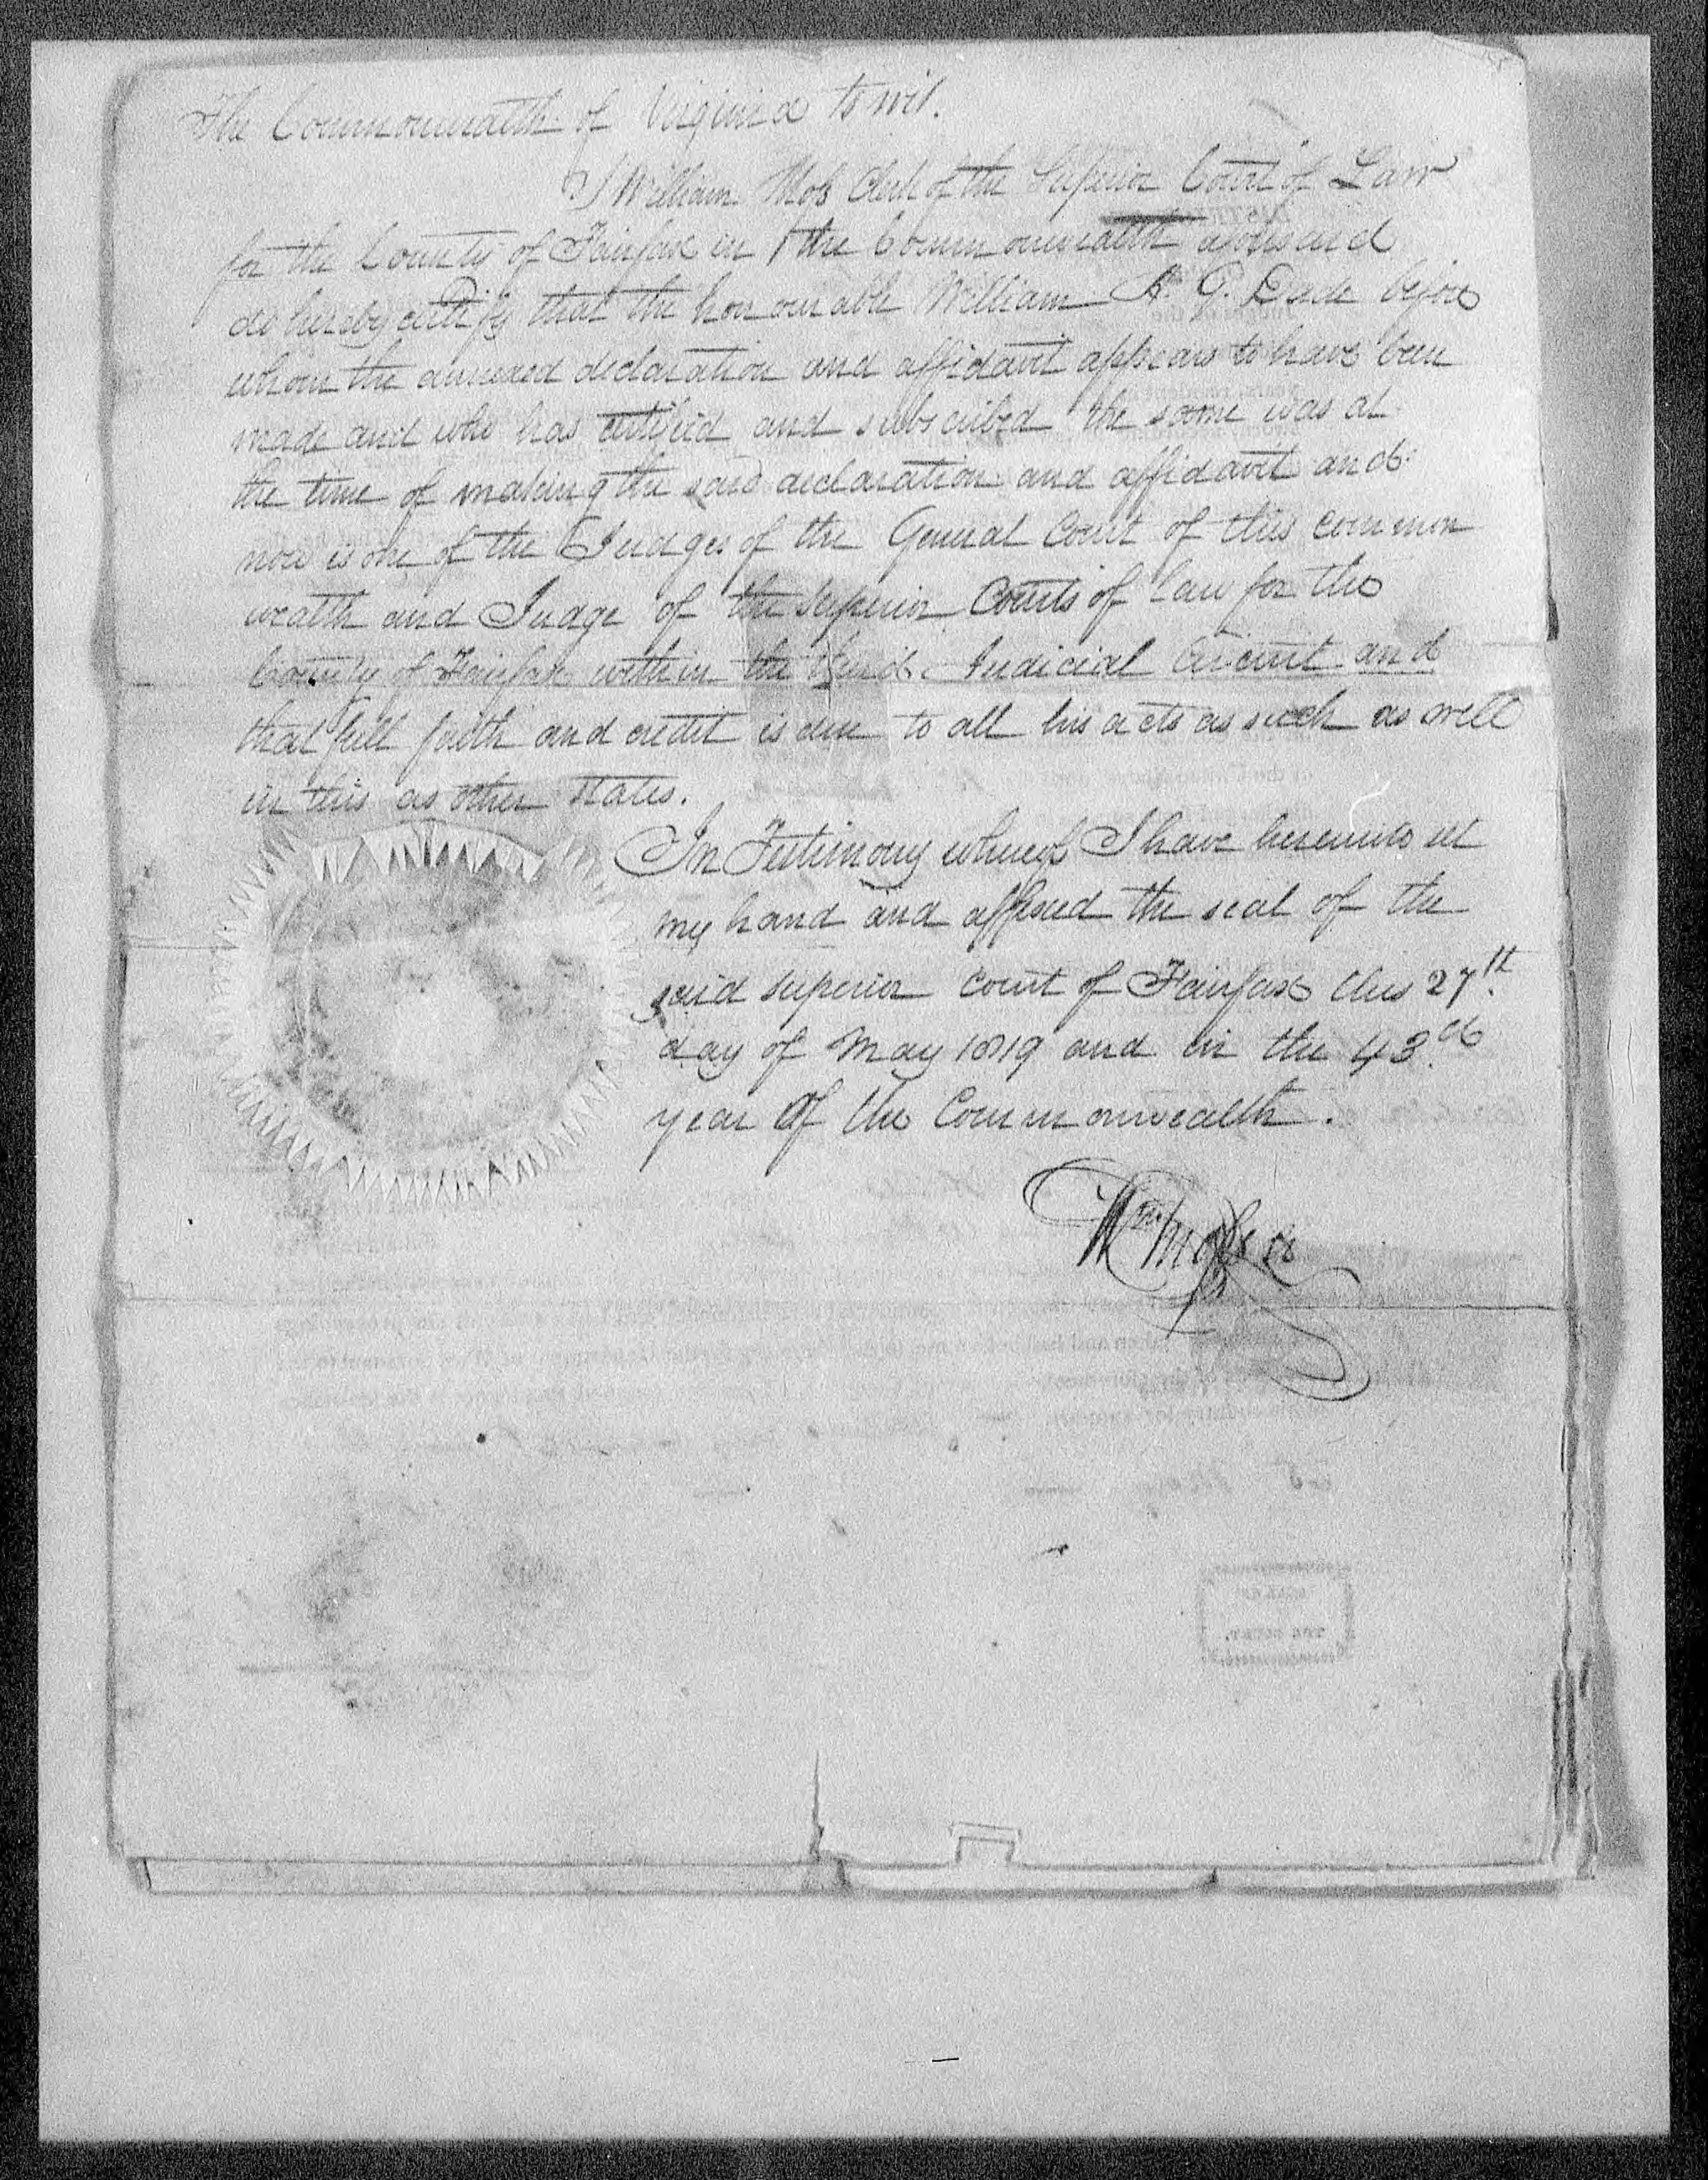The Commonwealth of Virginia to wit.

I William Moss Clerk of the Superior Court of Law for the County of Fairfax in the Commonwealth aforesaid do hereby certify that the honourable William A.G. Dade before whom the annexed declaration and affidavit appears to have been made and who has certified and subscribed the same was at the time of making the said declaration and affidavit and now is one of the Judges of the General Court of this commonwealth and Judge of the Superior Courts of Law for the County of Fairfax within the third Judicial Circuit and that full faith and credit is due to all his acts as such as well as this as other states.
In Testimony whereof I have herewith set my hand and affixed the seal of the said superior court of Fairfax this 27th day of May 1819 and on the 43d year of the Commonwealth.
Wm. Moss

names: William Moss; William A G Dade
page: 17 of 39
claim: widow's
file: W 6292, for William Jones, Maryland